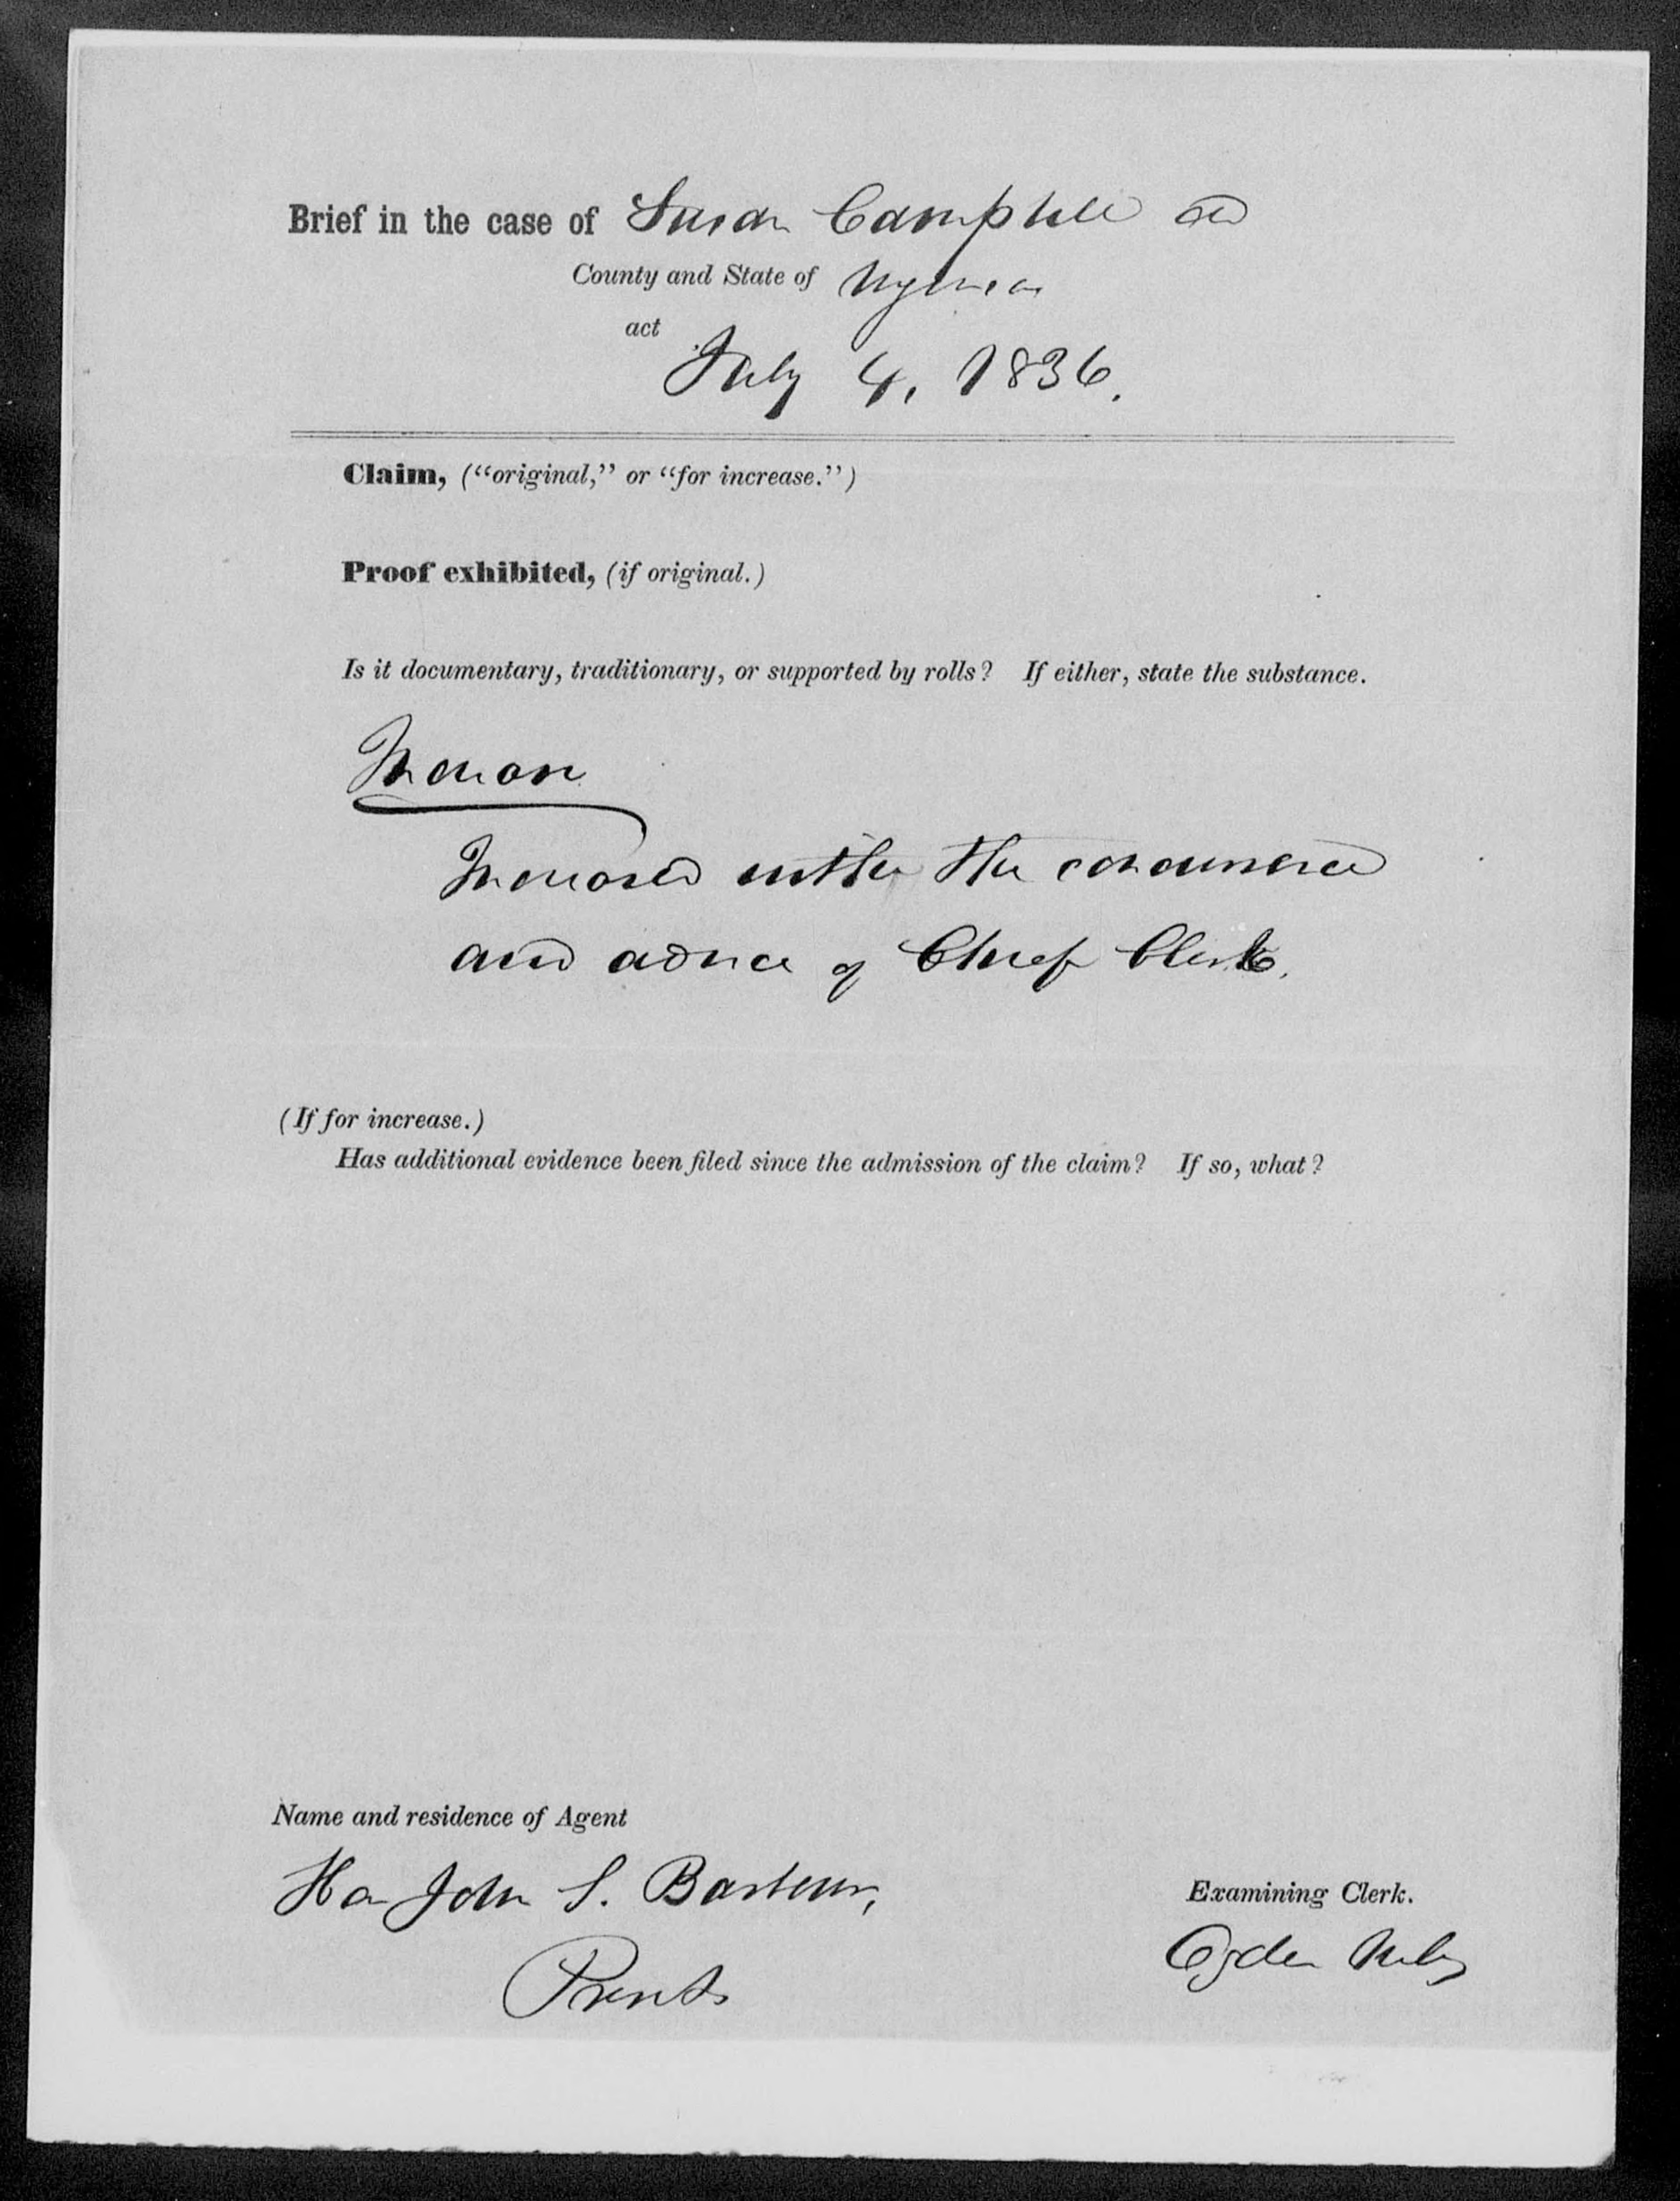Brief in the case of Susan Campbell dcd
County and State of Virginia
act July 4, 1836.

[double horizontal lines across page]

Claim, ("original," or "for increase.")

Proof exhibited, (if original.)

Is it documentary, traditionary, or supported by rolls?  If either, state the substance.

Increase [underlined]
Increase with the concurrence and advice of Chief Clerk.

(If for increase.)
Has additional evidence been filed since the admission of the claim?  If so, what?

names: Ogden Niles, Susan Campbell, John S Barbour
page: 121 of 267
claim: widow's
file: W. 4,149, William Campbell, Va.